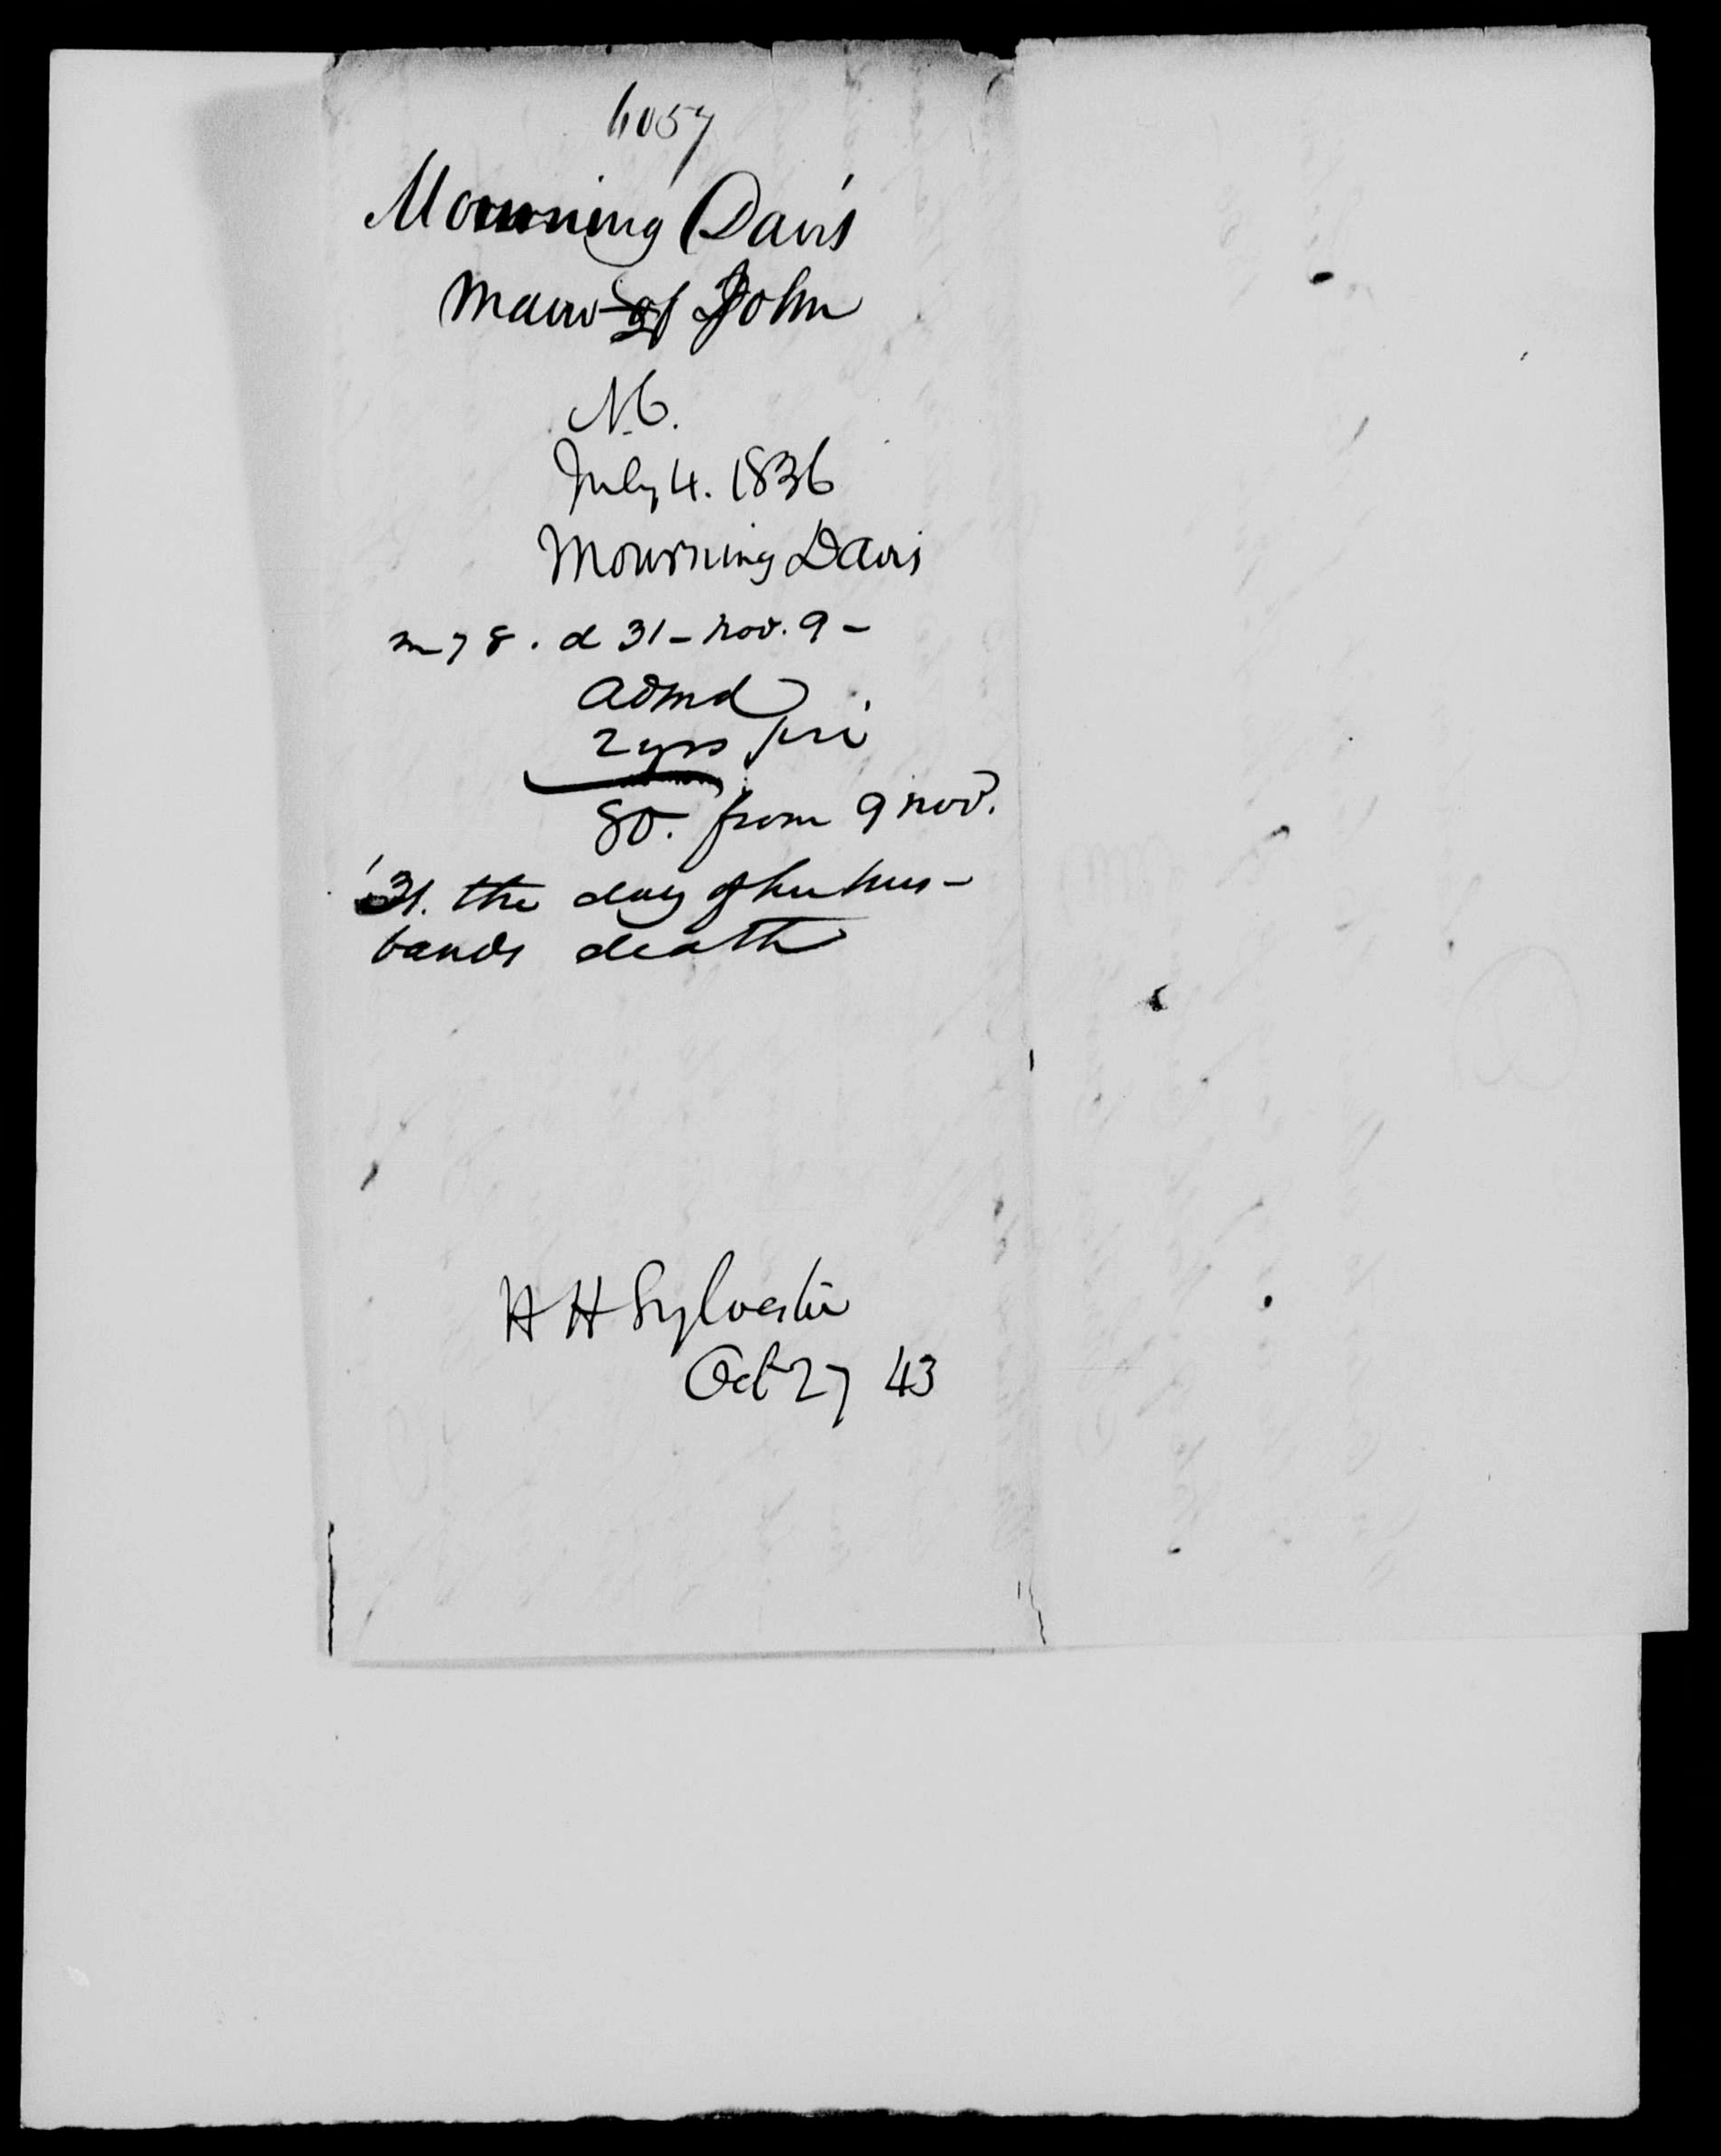6057
Mourning David
widow of John
N.C.
July 4, 1836
Mourning Davis
Nov 9 1831
Admd.
2 yrs Pri.
Sd from 9 Nov.
1831  the day of her husband's
death


H.H. Sylvester
Oct 27 1843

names: Mourning Davis, John Davis, H H Sylvester, Mourning Davis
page: 7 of 29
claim: widow's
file: W. 19156, John Davis, N.C.